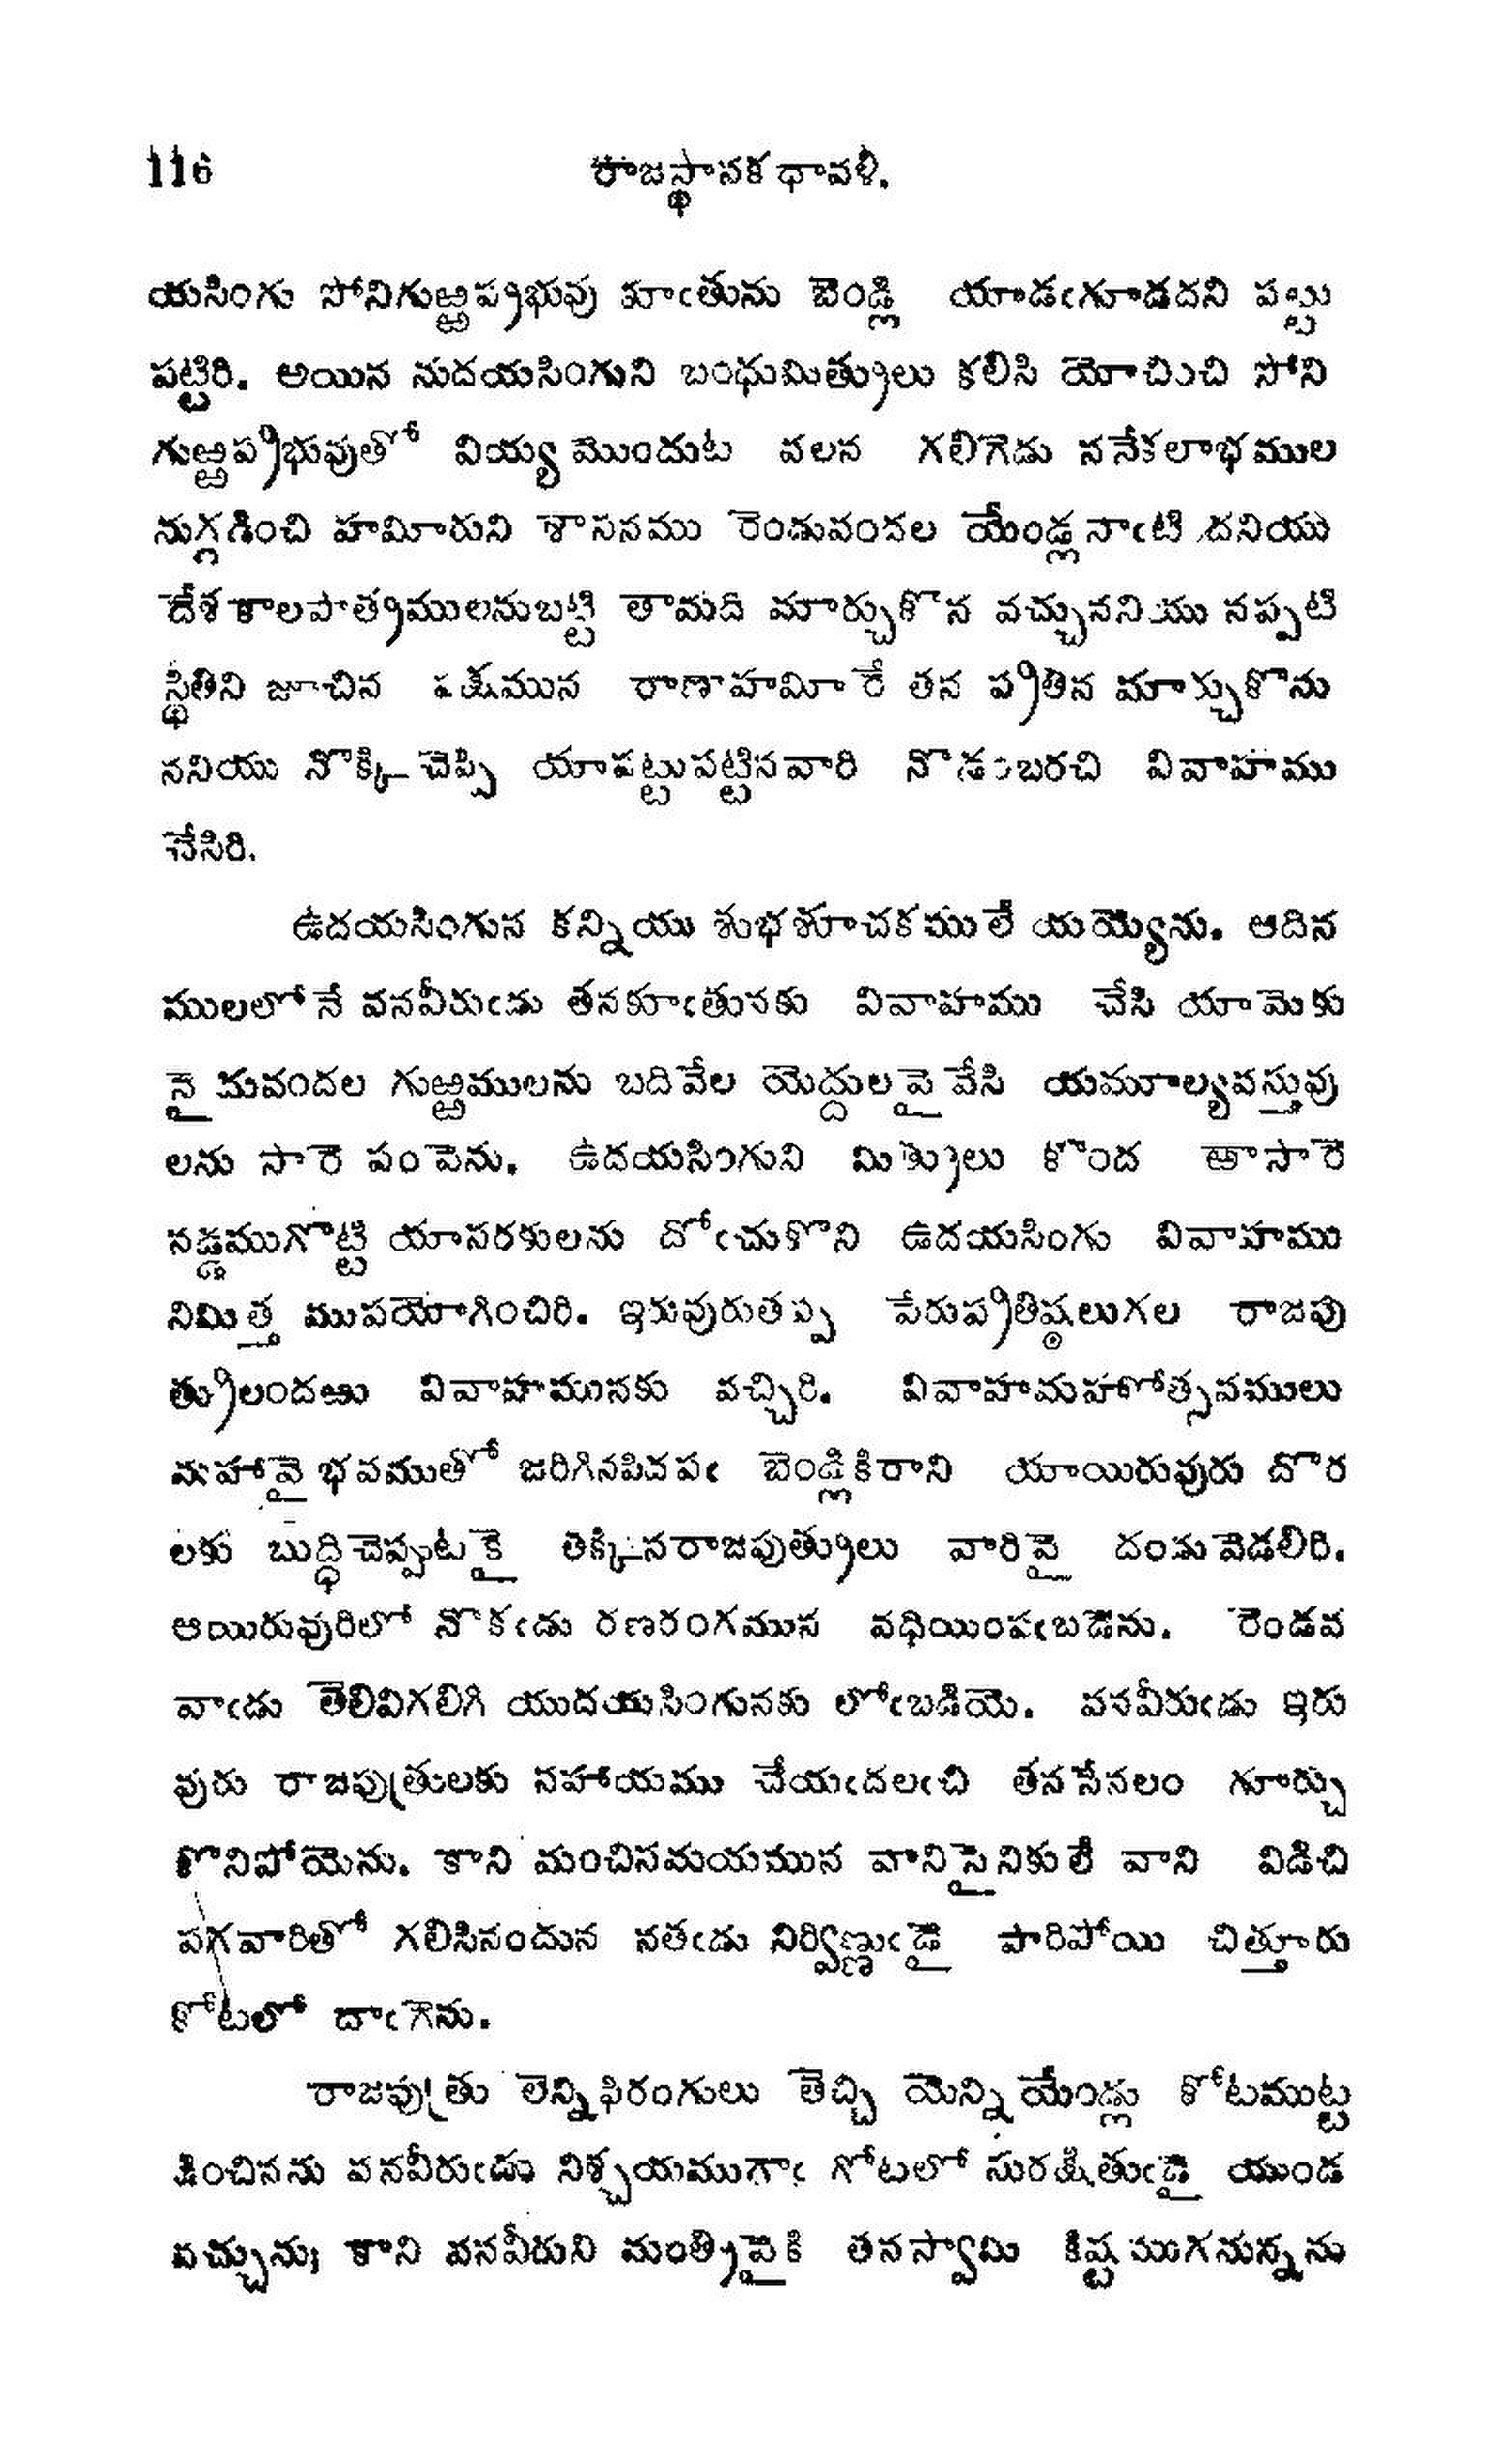యసింగు సోనిగుఱ్ఱప్రభువు కూఁతును బెండ్లి యాడఁగూడదని పట్టు పట్టిరి. అయిన నుదయసింగుని బంధుమిత్రులు కలిసి యోచించి సోనిగుఱ్ఱ ప్రభువుతో వియ్య మొందుట వలన గలిగెడు ననేక లాభముల నుగ్గడించి హమారుని శాసనము రెండువందల యేండ్ల నాఁటి దనియు దేశ కాల పాత్రములను బట్టి తామది మార్చుకొన వచ్చుననియు నప్పటి స్థితిని జూచిన పక్షమున రాణాహమీరే తన ప్రతిన మార్చుకొను ననియు నొక్కి చెప్పి యాపట్టు పట్టిన వారి నొడంబరచి వివాహము చేసిరి.

ఉదయసింగున కన్నియు శుభసూచకము లే యయ్యెను. ఆదినములలోనే వనవీరుఁడు తనకూఁతునకు వివాహము చేసి యామెకు
నైదువందల గుఱ్ఱములను బది వేల యెద్దులపై వేసి యమూల్య వస్తువులను సారె పంపెను. ఉదయసింగుని మిత్రులు కొందఱాసారె
నడ్డముగొట్టి యాసరకులను దోఁచుకొని ఉదయసింగు వివాహము నిమిత్త ముపయోగించిరి. ఇరువురుతప్ప పేరుప్రతిష్ఠలుగల రాజపుత్రులందఱు వివాహమునకు వచ్చిరి. వివాహ మహోత్సవములు మహావైభవముతో జరిగినపిదపఁ బెండ్లికి రాని యాయిరువురు దొరలకు బుద్ధి చెప్పుటకై తక్కినరాజపుత్రులు వారిపై దండు వెడలిరి. ఆయిరువురిలో నొకఁడు రణరంగముస వధియింపఁబడెను. రెండవవాఁడు తెలివిగలిగి యుదయసింగునకు లోఁబడియె. వరవీరుఁడు ఇరువురు రాజపుత్రులకు సహాయము చేయఁదలఁచి తన సేనలం గూర్చు కొనిపోయెను. కాని మంచిసమయమున వాని సైనికులే వాని విడిచి పగవారితో గలిసినందున నతఁడు నిర్విణ్ణుఁడై పారిపోయి చిత్తూరు కోటలో దాఁగెను.

రాజపుత్రు లెన్ని ఫిరంగులు తెచ్చి యెన్ని యేండ్లు కోటముట్టడించినను వనవీరుఁడు నిశ్చయముగాఁ గోటలో సురక్షితుఁడై యుండ వచ్చును. కాని వనవీరుని మంత్రి పైకి తనస్వామి కిష్టముగనున్నను